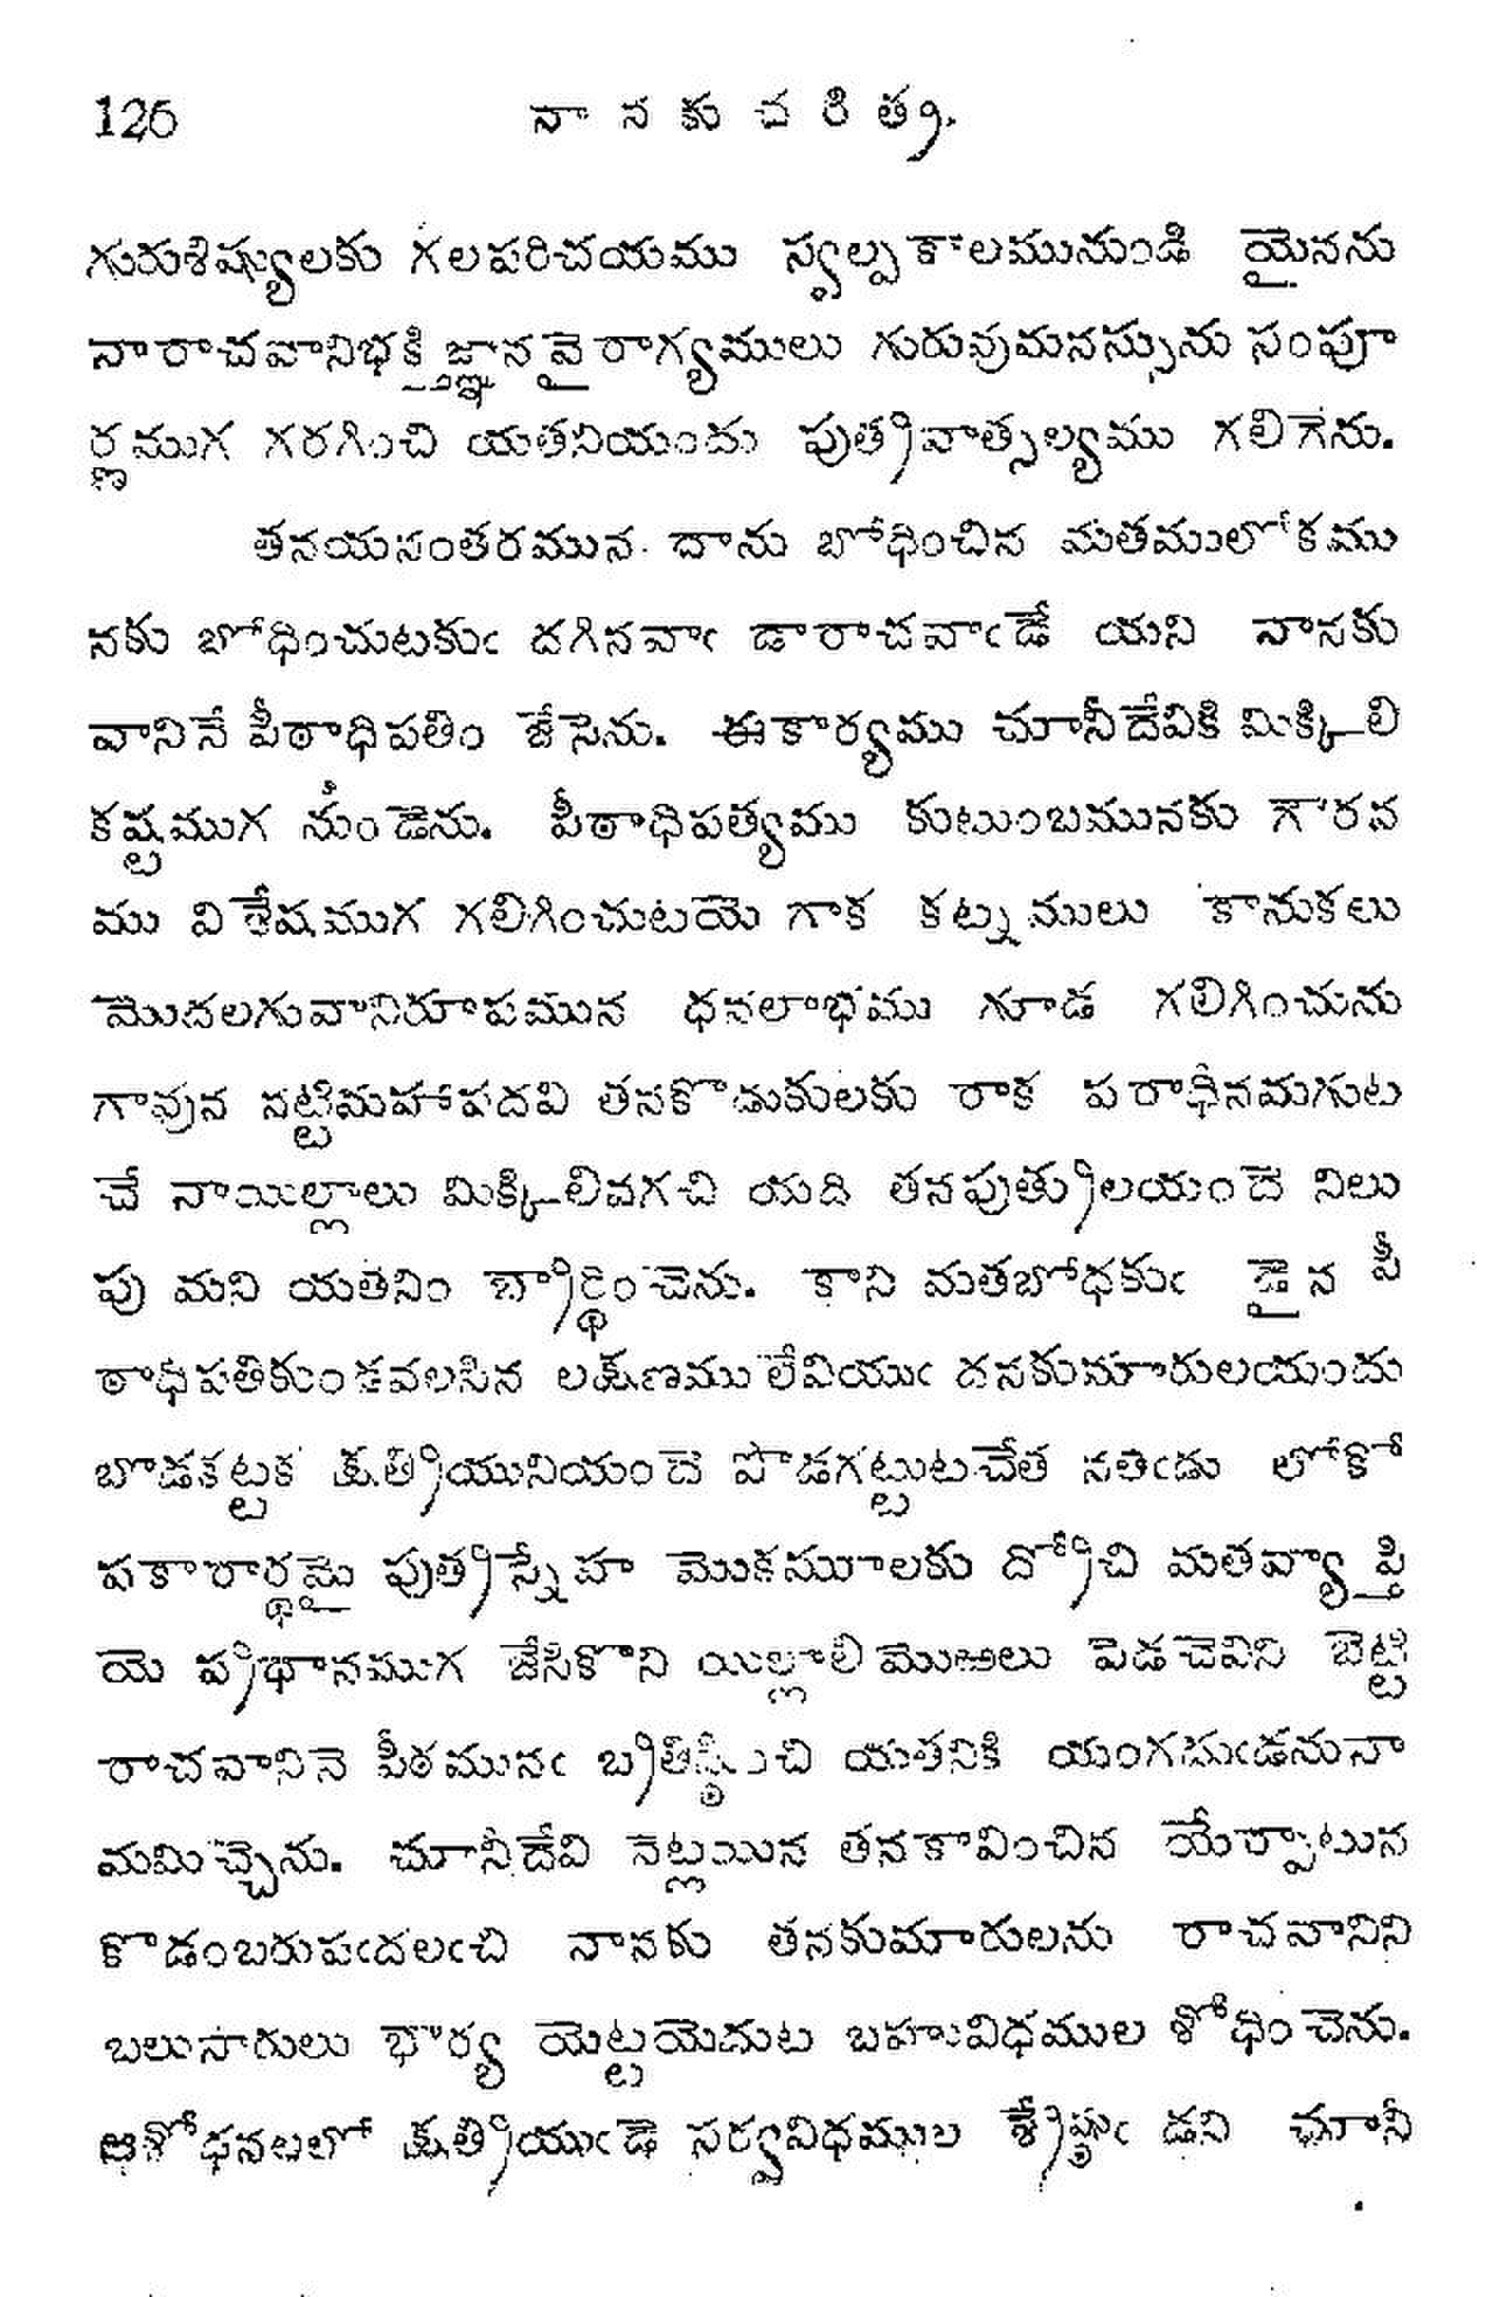గురుశిష్యులకు గలపరిచయము స్వల్పకాలమునుండి యైనను నారాచవానిభక్తిజ్ఞాన వైరాగ్యములు గురువుమనస్సును సంపూర్ణముగ గరగించి యతనియందు పుత్రవాత్సల్యము గలిగెను.

తనయనంతరమున దాను బోధించిన మతములోకమునకు బోధించుటకు దగినవా డారాచవాడే యని నానకు వానినే పీఠాధిపతిం జేసెను. ఈకార్యము చూనీదేవికి మిక్కిలి కష్టముగ నుండెను. పీఠాధిపత్యము కుటుంబమునకు గౌరవము విశేషముగ గలిగించుటయె గాక కట్నములు కానుకలు మొదలగువానిరూపమున ధనలాభము గూడ గలిగించును. గావున నట్టిమహాపదవి తనకొడుకులకు రాక పరాధీనమగుటచే నాయిల్లాలు మిక్కిలివగచి యది తనపుత్రులయందె నిలుపు మని యతనిం బ్రార్థించెను. కాని మతబోధకు డైన పీఠాధిపతికుండవలసిన లక్షణము లేవియు దనకుమారులయందు బొడకట్టక క్షత్రియునియందె పొడగట్టుటచేత నతడు లోకోపకారార్థమై పుత్రస్నేహ మొకమూలకు ద్రోచి మతవ్యాప్తియె ప్రథానముగ జేసికొని యిల్లాలి మొఱలు పెడచెవిని బెట్టి రాచవానినె పీఠమున బ్రతిష్ఠించి యతనికి యంగదుడనునామమిచ్చెను. చూనీదేవి నెట్లయిన తనకావించిన యేర్పాటున కొడంబరుపదలచి నానకు తనకుమారులను రాచవానిని బలుసారులు భార్య యెట్టయెదుట బహువిధముల శోధించెను. ఆశోధనలలో క్షత్రియుడె సర్వవిధముల శ్రేష్ఠు డని చూనీ